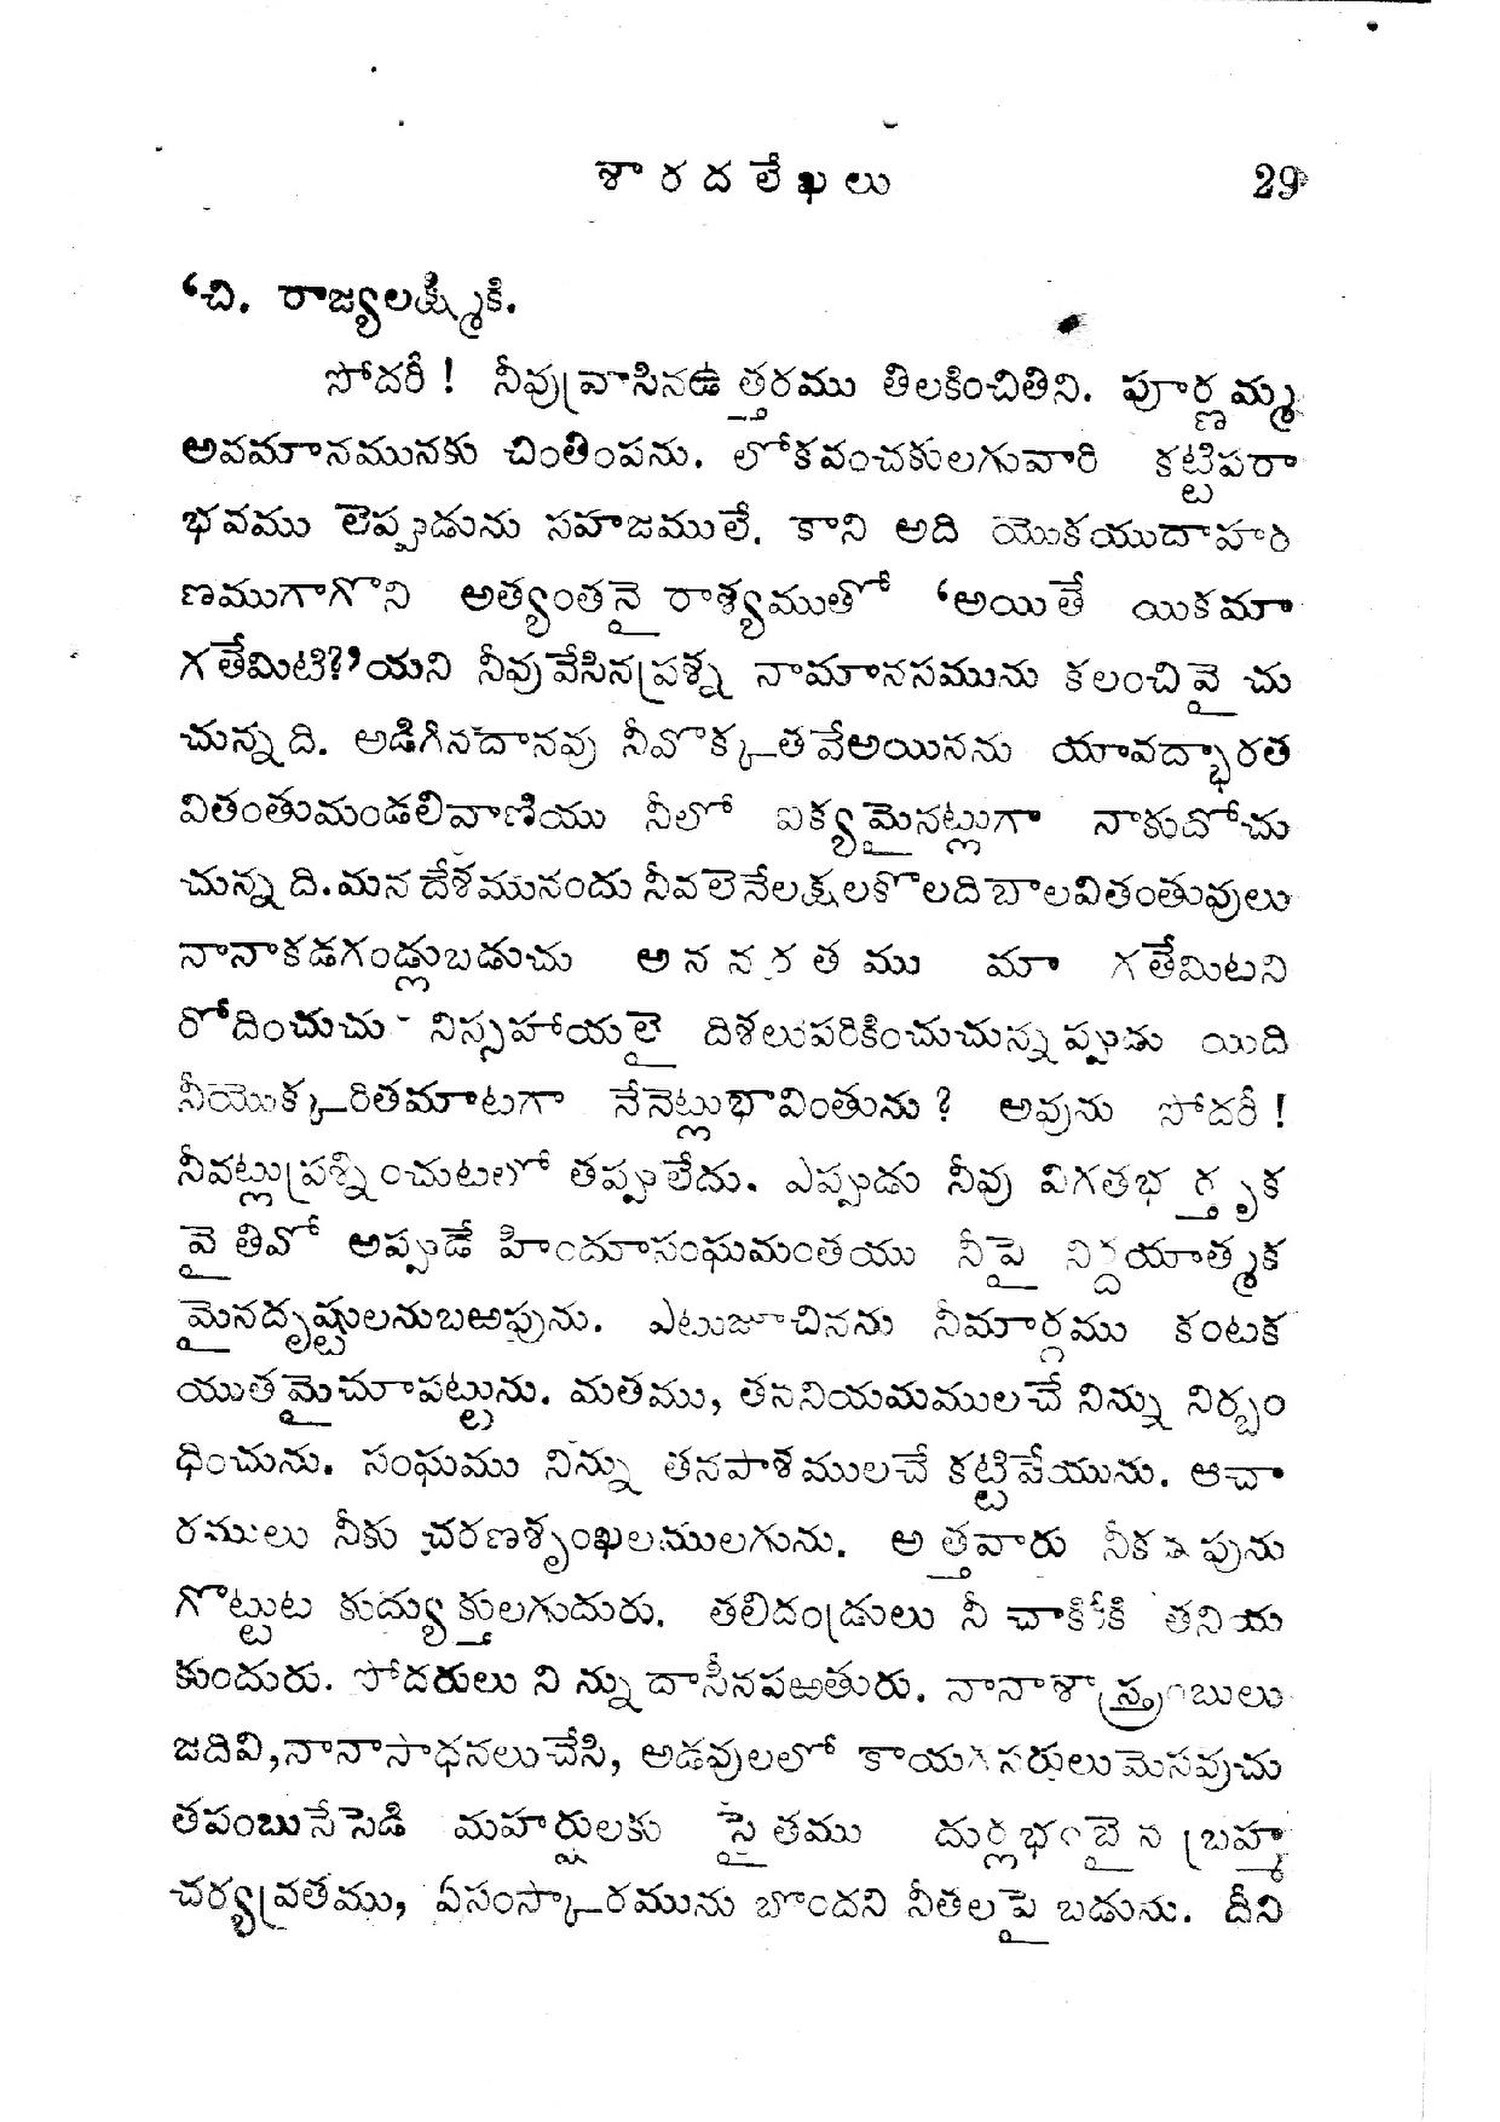'చి. రాజ్యలక్ష్మికి.

సోదరీ ! నీవు వ్రాసినఉత్తరము తిలకించితిని. పూర్ణమ్మ
అవమానమునకు చింతింపను. లోకవంచకులగువారి కట్టిపరా
భవము లెప్పుడును సహజములే. కాని అది యొకయుదాహరి
ణముగాగొని అత్యంతనైరాశ్యముతో 'అయితే యికమా
గతేమిటి?'యని నీవువేసినప్రశ్న నామానసమును కలంచివై చు
చున్నది. అడిగి దానవు నీవొక్క తవే అయినను యావద్భారత
వితంతుమండలివాణియు నీలో ఐక్యమైనట్లుగా నాకుదోచు
చున్నది. మన దేశమునందు నీవలెనేలక్షలకొలదిబాలవితంతువులు
నానాకడగండ్లుబడుచు అననరతము మా గతేమిటని
రోదించుచు - నిస్సహాయలై దిశలుపరికించుచున్నప్పుడు యిది
నీయొక్కరితమాటగా నేనెట్లుభావింతును? అవును సోదరీ !
నీవట్లుప్రశ్నించుటలో తప్పులేదు. ఎప్పుడు నీవు విగత భర్తృక
వై తివో అప్పుడే హిందూ సంఘమంతయు నీపై నిర్దయాత్మక
మైనదృష్టులనుబఱపును. ఎటుజూచినను నీమార్గము కంటక
యుతమై చూపట్టును. మతము,తననియమములచే నిన్ను నిర్బం
ధించును. సంఘము నిన్ను తనపాశములచే కట్టివేయును, ఆచా
రములు నీకు చరణశృంఖలములగును. అత్తవారు నీకడుపును
గొట్టుట కుద్యుక్తులగుదురు. తలిదండ్రులు నీ చాకిరి `తనియ
కుందురు.సోదరులునిన్నుదాసీనపఱతురు.నానాశాస్త్రబులు
జదివి,నానాసాధనలుచేసి,అడవులలో కాయగసరులు మెసపుచు
తపంబుసేసెడి మహర్షులకు సైతము దుర్లభంబైన బ్రహ్మ
చర్యవ్రతము, ఏసంస్కారమును బొందని నీతలపై బడును. దీని